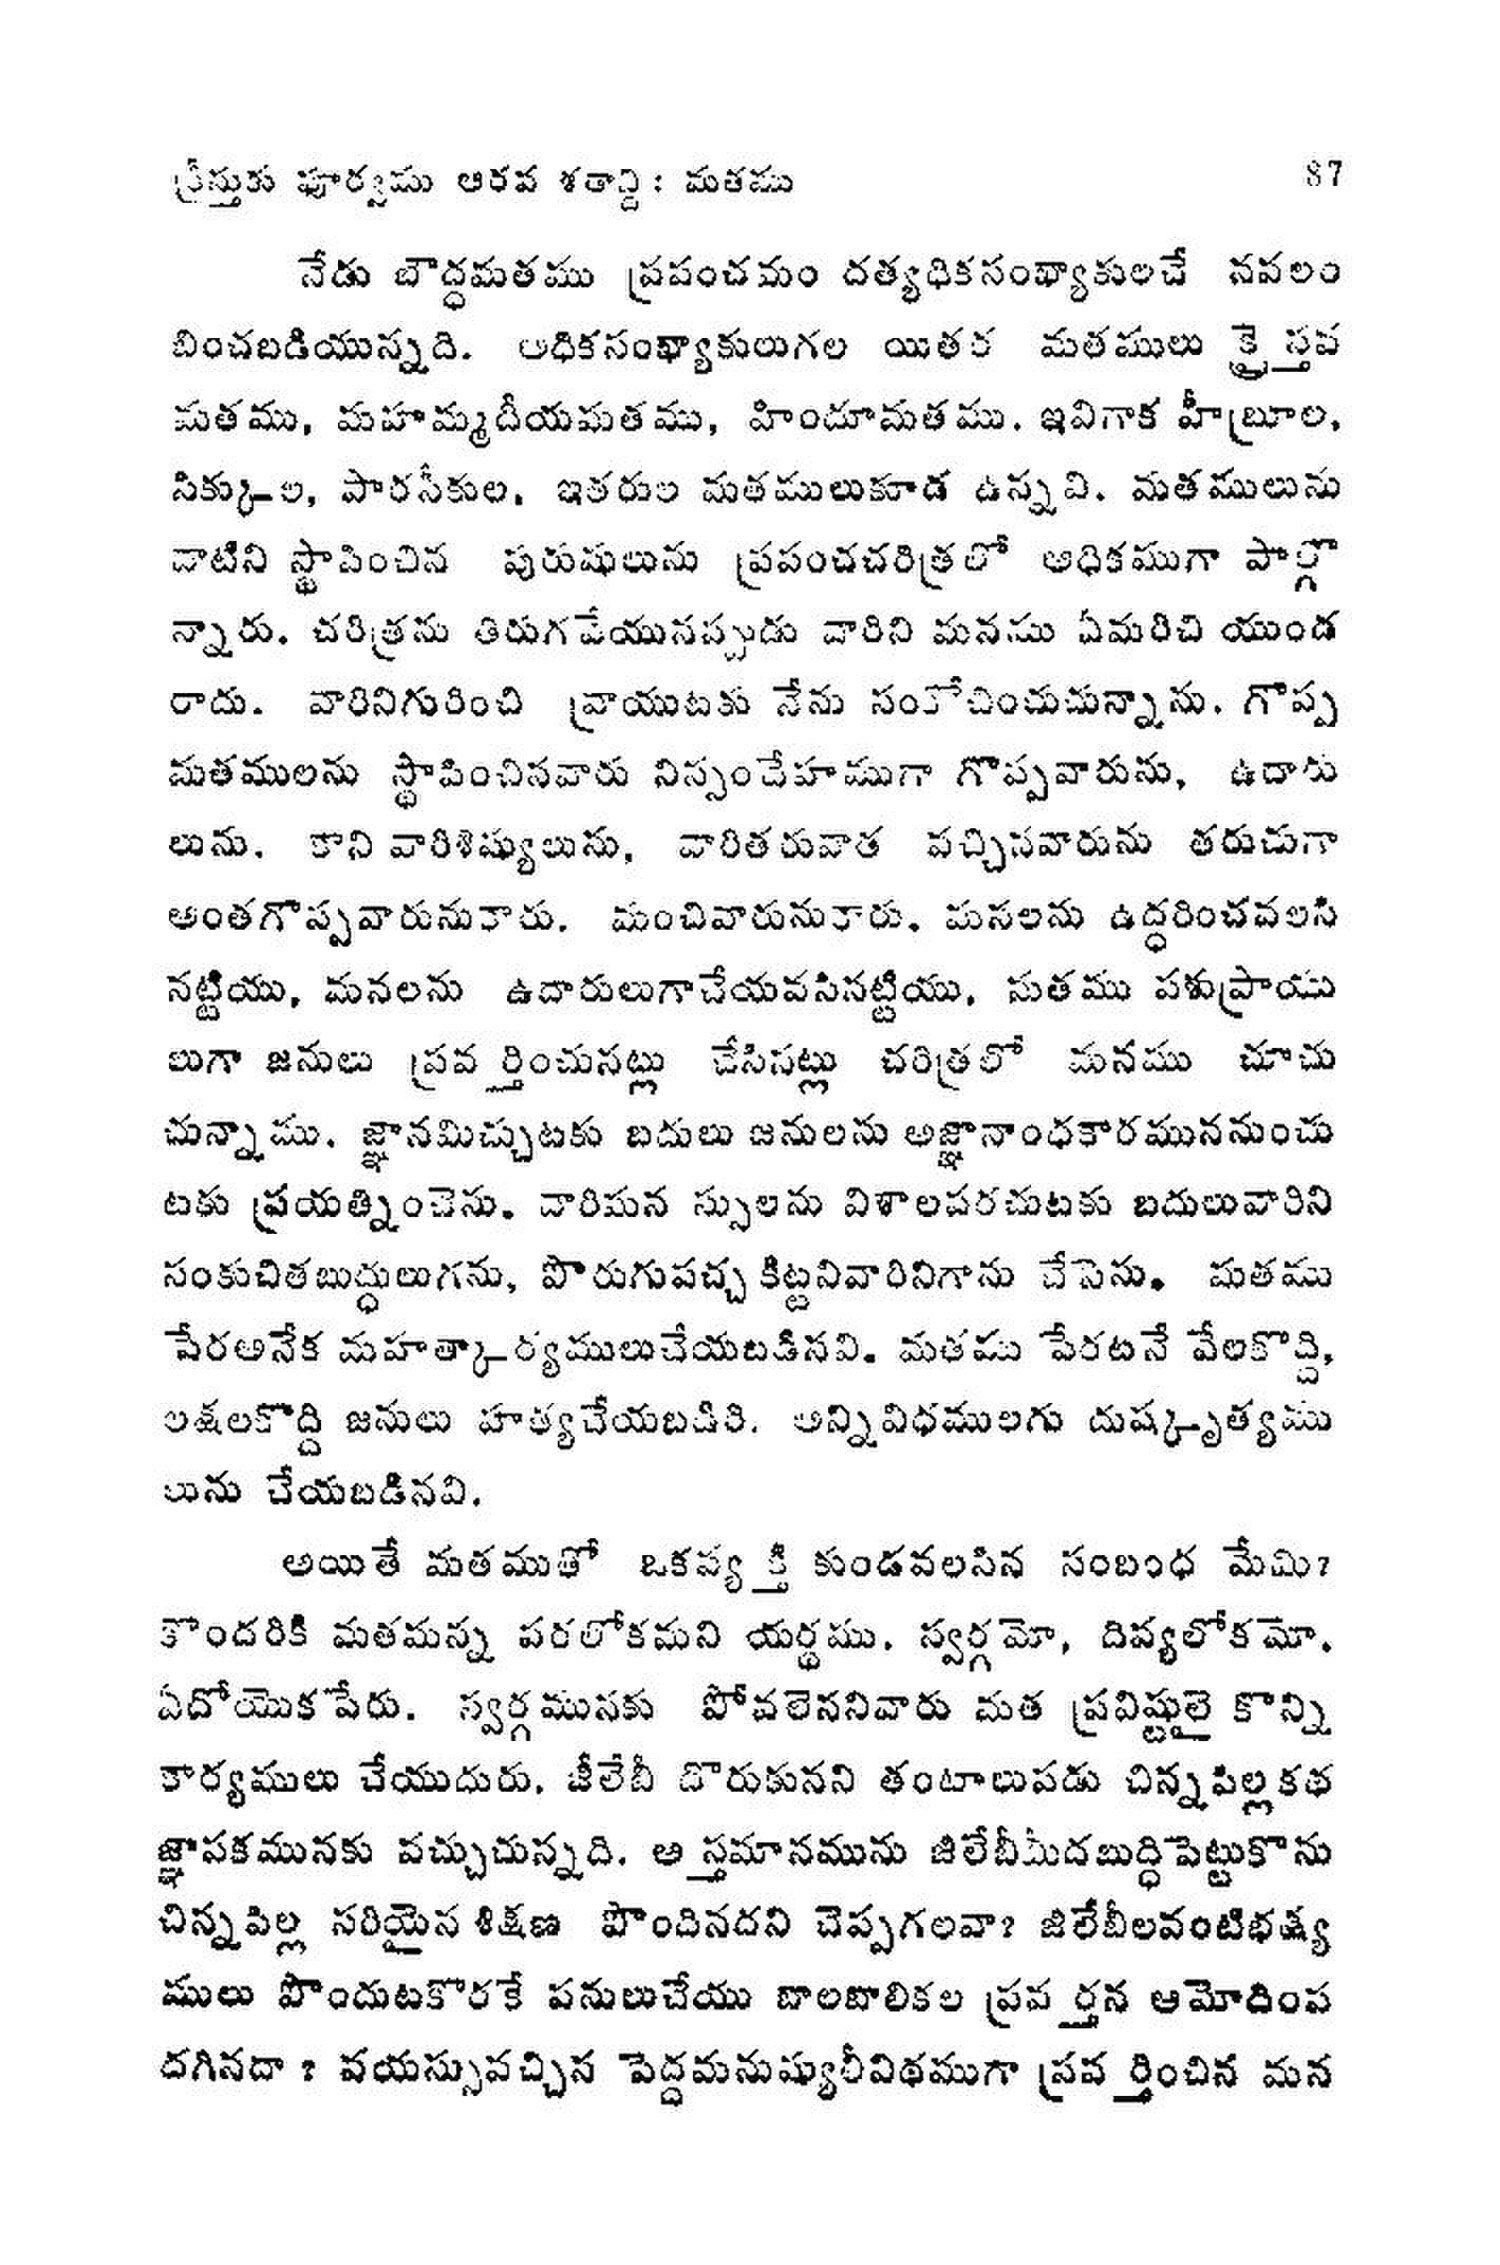నేడు బౌద్ధమతము ప్రపంచమం దత్యధికసంఖ్యాకులచే నవలంబించబడియున్నది. అధిక సంఖ్యాకులుగల యితర మతములు క్రైస్తవ మతము, మహమ్మదీయమతము, హిందూమతము, ఇవిగాక హీబ్రూల, సిక్కుల, పారసీకుల, ఇతరుల మతములుకూడ ఉన్నవి. మతములును వాటిని స్థాపించిన పురుషులును ప్రపంచచరిత్రలో అధికముగా పాల్గొన్నారు. చరిత్రను తిరుగవేయునప్పుడు వారిని మనము ఏమరిచి యుండరాదు. వారినిగురించి వ్రాయుటకు నేను సంకోచించుచున్నాను. గొప్ప మతములను స్థాపించినవారు నిస్సందేహముగా గొప్పవారును, ఉదారులును, కాని వారిశిష్యులును, వారితరువాత వచ్చినవారును తరుచుగా అంతగొప్పవారునుకారు. మంచివారునుకారు, మనలను ఉద్దరించవలసినట్టియు, మనలను ఉదారులుగాచేయవసినట్టియు, మతము పశుప్రాయులుగా జనులు ప్రవర్తించునట్లు చేసినట్లు చరిత్రలో మనము చూచుచున్నాము. జ్ఞానమిచ్చుటకు బదులు జనులను అజ్ఞానాంధకారముననుంచుటకు ప్రయత్నించెను. వారిమన స్సులను విశాలపరచుటకు బదులువారిని సంకుచితబుద్దులుగను, పొరుగుపచ్చ కిట్టనివారినిగాను చేసెను. మతము పేరఅనేక మహత్కార్యములు చేయబడినవి. మతము పేరటనే వేలకొద్ది, లక్షలకొద్ది జనులు హత్యచేయబడిరి. అన్ని విధములగు దుష్కృత్యములును చేయబడినవి.

అయితే మతముతో ఒకవ్యక్తి కుండవలసిన సంబంధ మేమి? కొందరికి మతమన్న పరలోకమని యర్థము. స్వర్గమో, దివ్యలోకమో. ఏదోయొక పేరు. స్వర్గమునకు పోవలెననివారు మత ప్రవిష్టులై కొన్ని కార్యములు చేయుదురు, జీలేబీ దొరుకునని తంటాలుపడు చిన్నపిల్లకథ జ్ఞాపకమునకు వచ్చుచున్నది. ఆస్తమానమును జిలేబీ మీదబుద్ధి పెట్టుకొను చిన్నపిల్ల సరియైన శిక్షణ పొందినదని చెప్పగలవా? జిలేబీలవంటి భక్ష్యములు పొందుటకొరకే పనులుచేయు బాలబాలికల ప్రవర్తన ఆమోదింప దగినదా ! వయస్సువచ్చిన పెద్దమనుష్యులీవిథముగా ప్రవర్తించిన మన